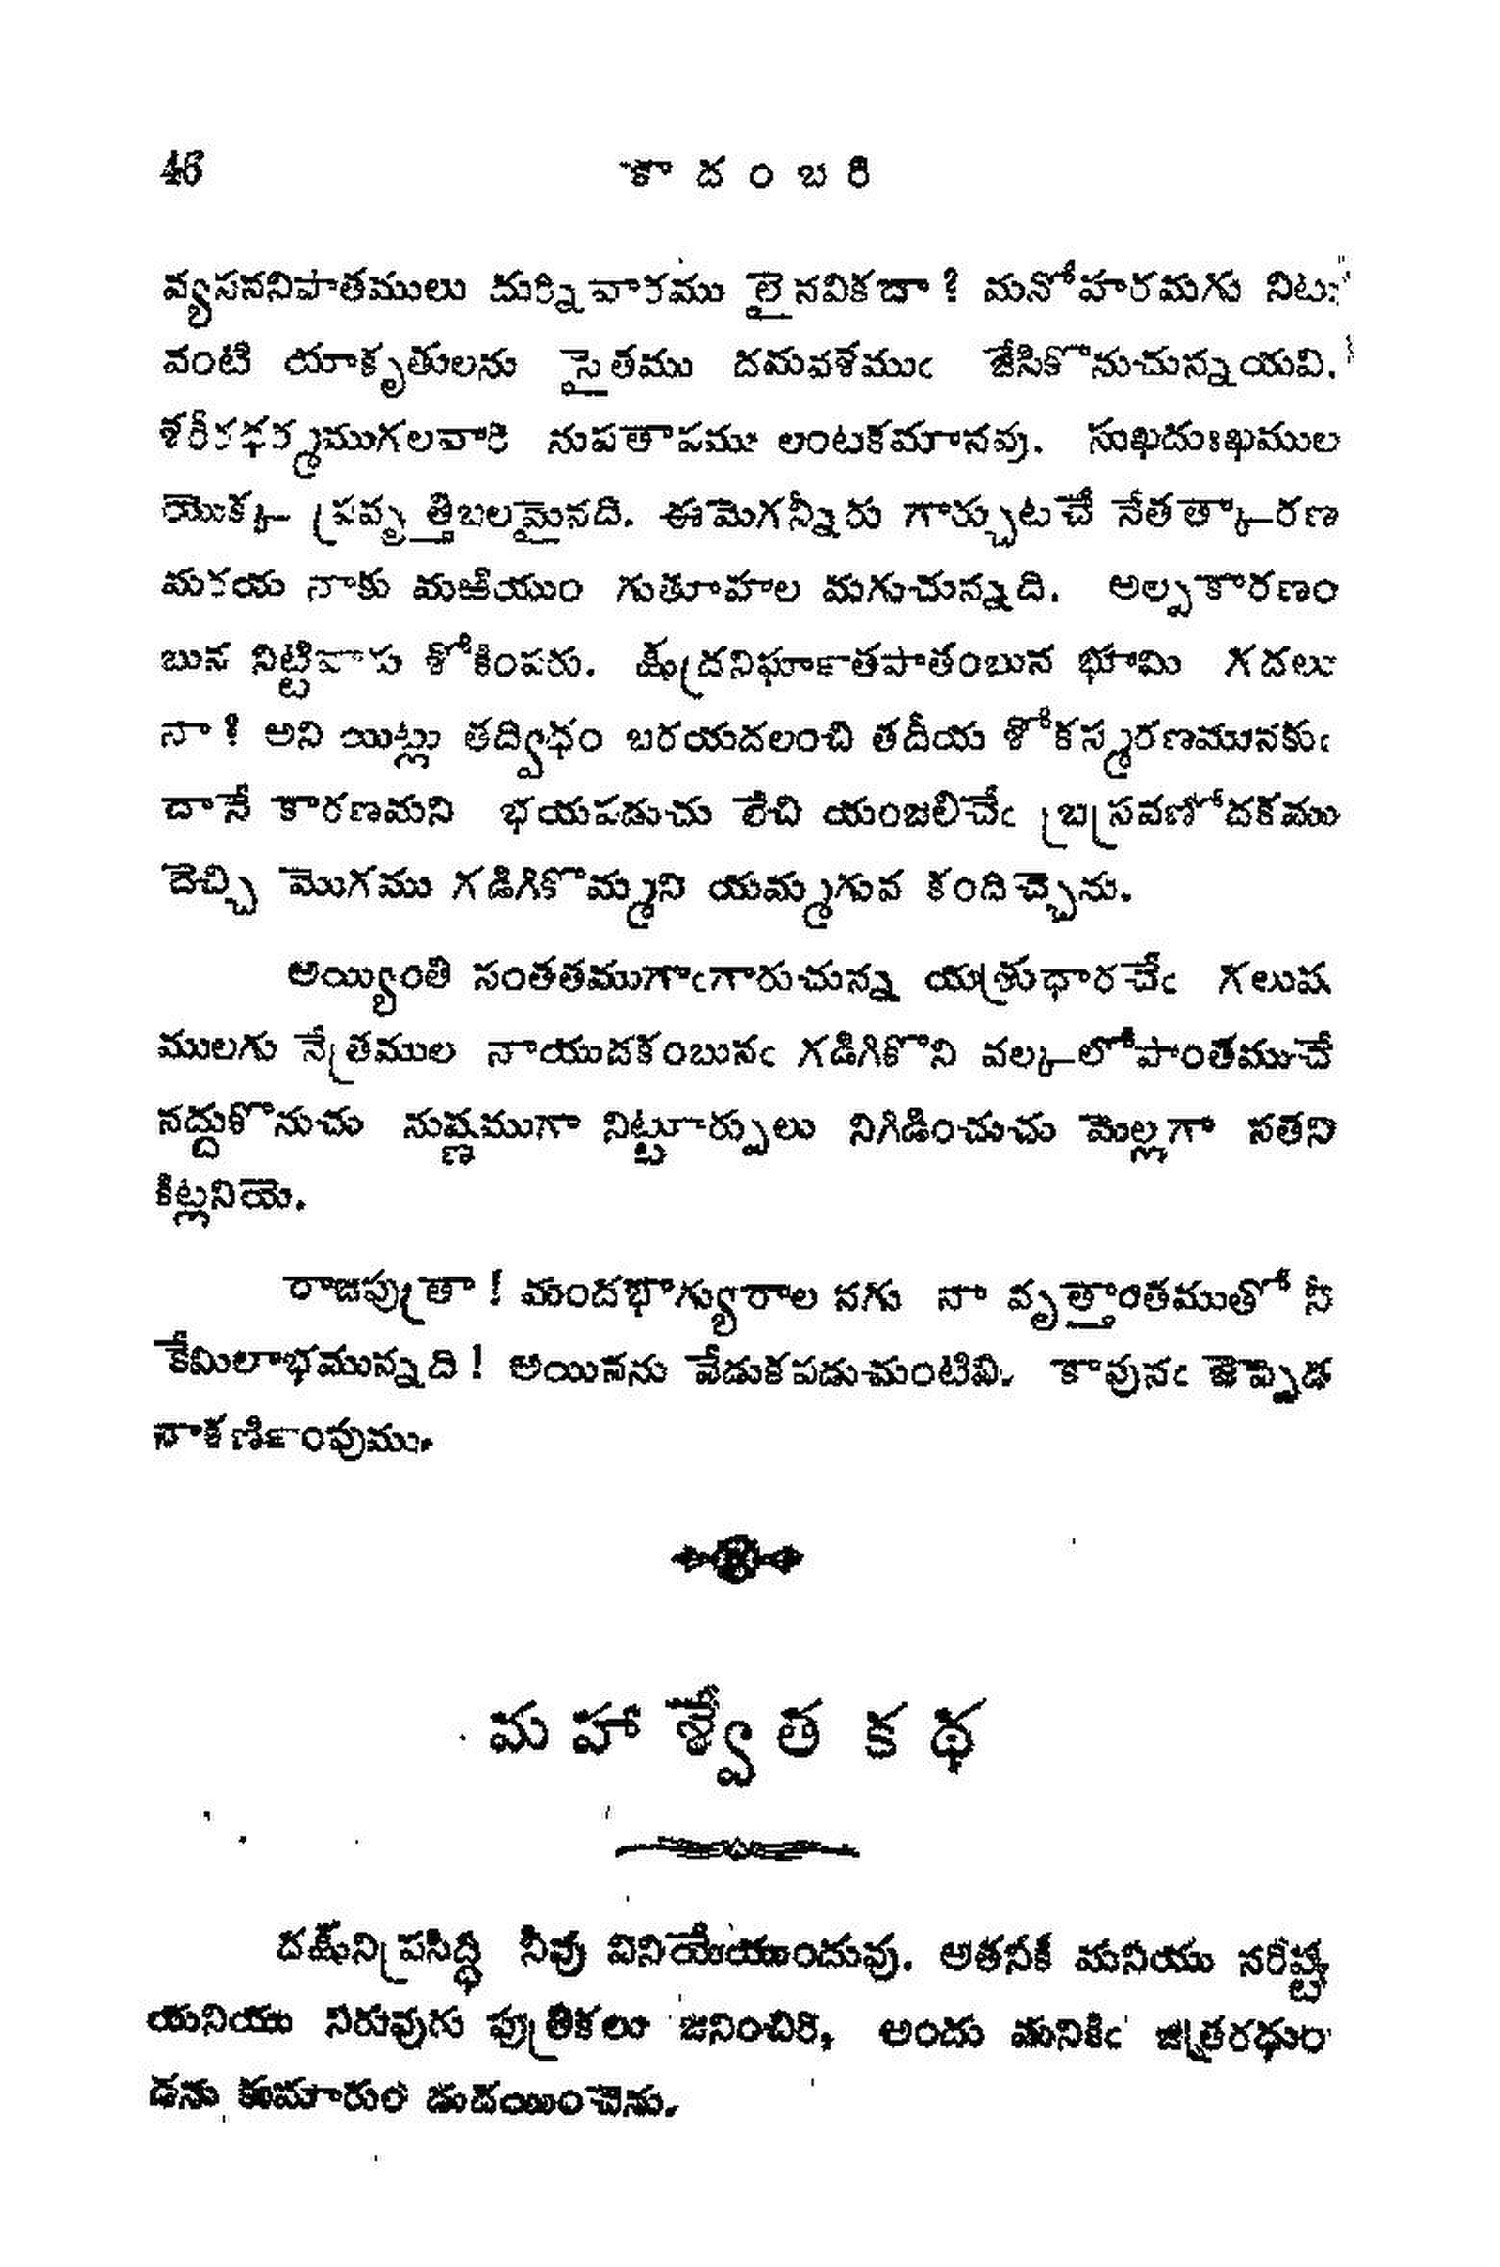వ్యసననిపాతములు దుర్నివారము లైనవికదా? మనోహరమగు నిటువంటి యాకృతులను సైతము దమవశముఁ జేసికొనుచున్నయవి. శరీరధర్మముగలవారి నుపతాపము లంటకమానవు. సుఖదుఃఖముల యొక్క ప్రవృత్తిబలమైనది. ఈమెగన్నీరు గార్చుటచే నేతత్కారణ మరయ నాకు మఱియుం గుతూహల మగుచున్నది. అల్పకారణంబున నిట్టివారు శోకింపరు. క్షుద్రునిఘా౯తపాతంబున భూమి గదలునా? అని యిట్లు తద్విధం బరయదలంచి తదీయ శోకస్మరణమునకుఁ దానే కారణమని భయపడుచు లేచి యంజలిచేఁ బ్రస్రవణోదకము దెచ్చి మొగము గడిగికొమ్మని యమ్మగువ కందిచ్చెను.

అయ్యింతి సంతతముగాఁగారుచున్న యశ్రుధారచేఁ గలుషములగు నేత్రముల నాయుదకంబునఁ గడిగికొని వల్కలోపాంతముచే నద్దుకొనుచు నుష్ణముగా నిట్టూర్పులు నిగిడించుచు మెల్లగా నతని కిట్లనియె.

రాజపుత్రా! మందభాగ్యురాల నగు నా వృత్తాంతముతో నీ కేమిలాభమున్నది! అయినను వేడుకపడుచుంటివి. కావునఁ నాకణి౯ంపుము.

మహాశ్వేత కథ

దక్షునిప్రసిద్ధి నీవు వినియేయుందువు. అతనికి మనియు నరిష్ట యనియు నిరువురు పుత్రికలు జనించిరి, అందు మనికిఁ జిత్రరధుండను కుమారుం డుదయించెను.